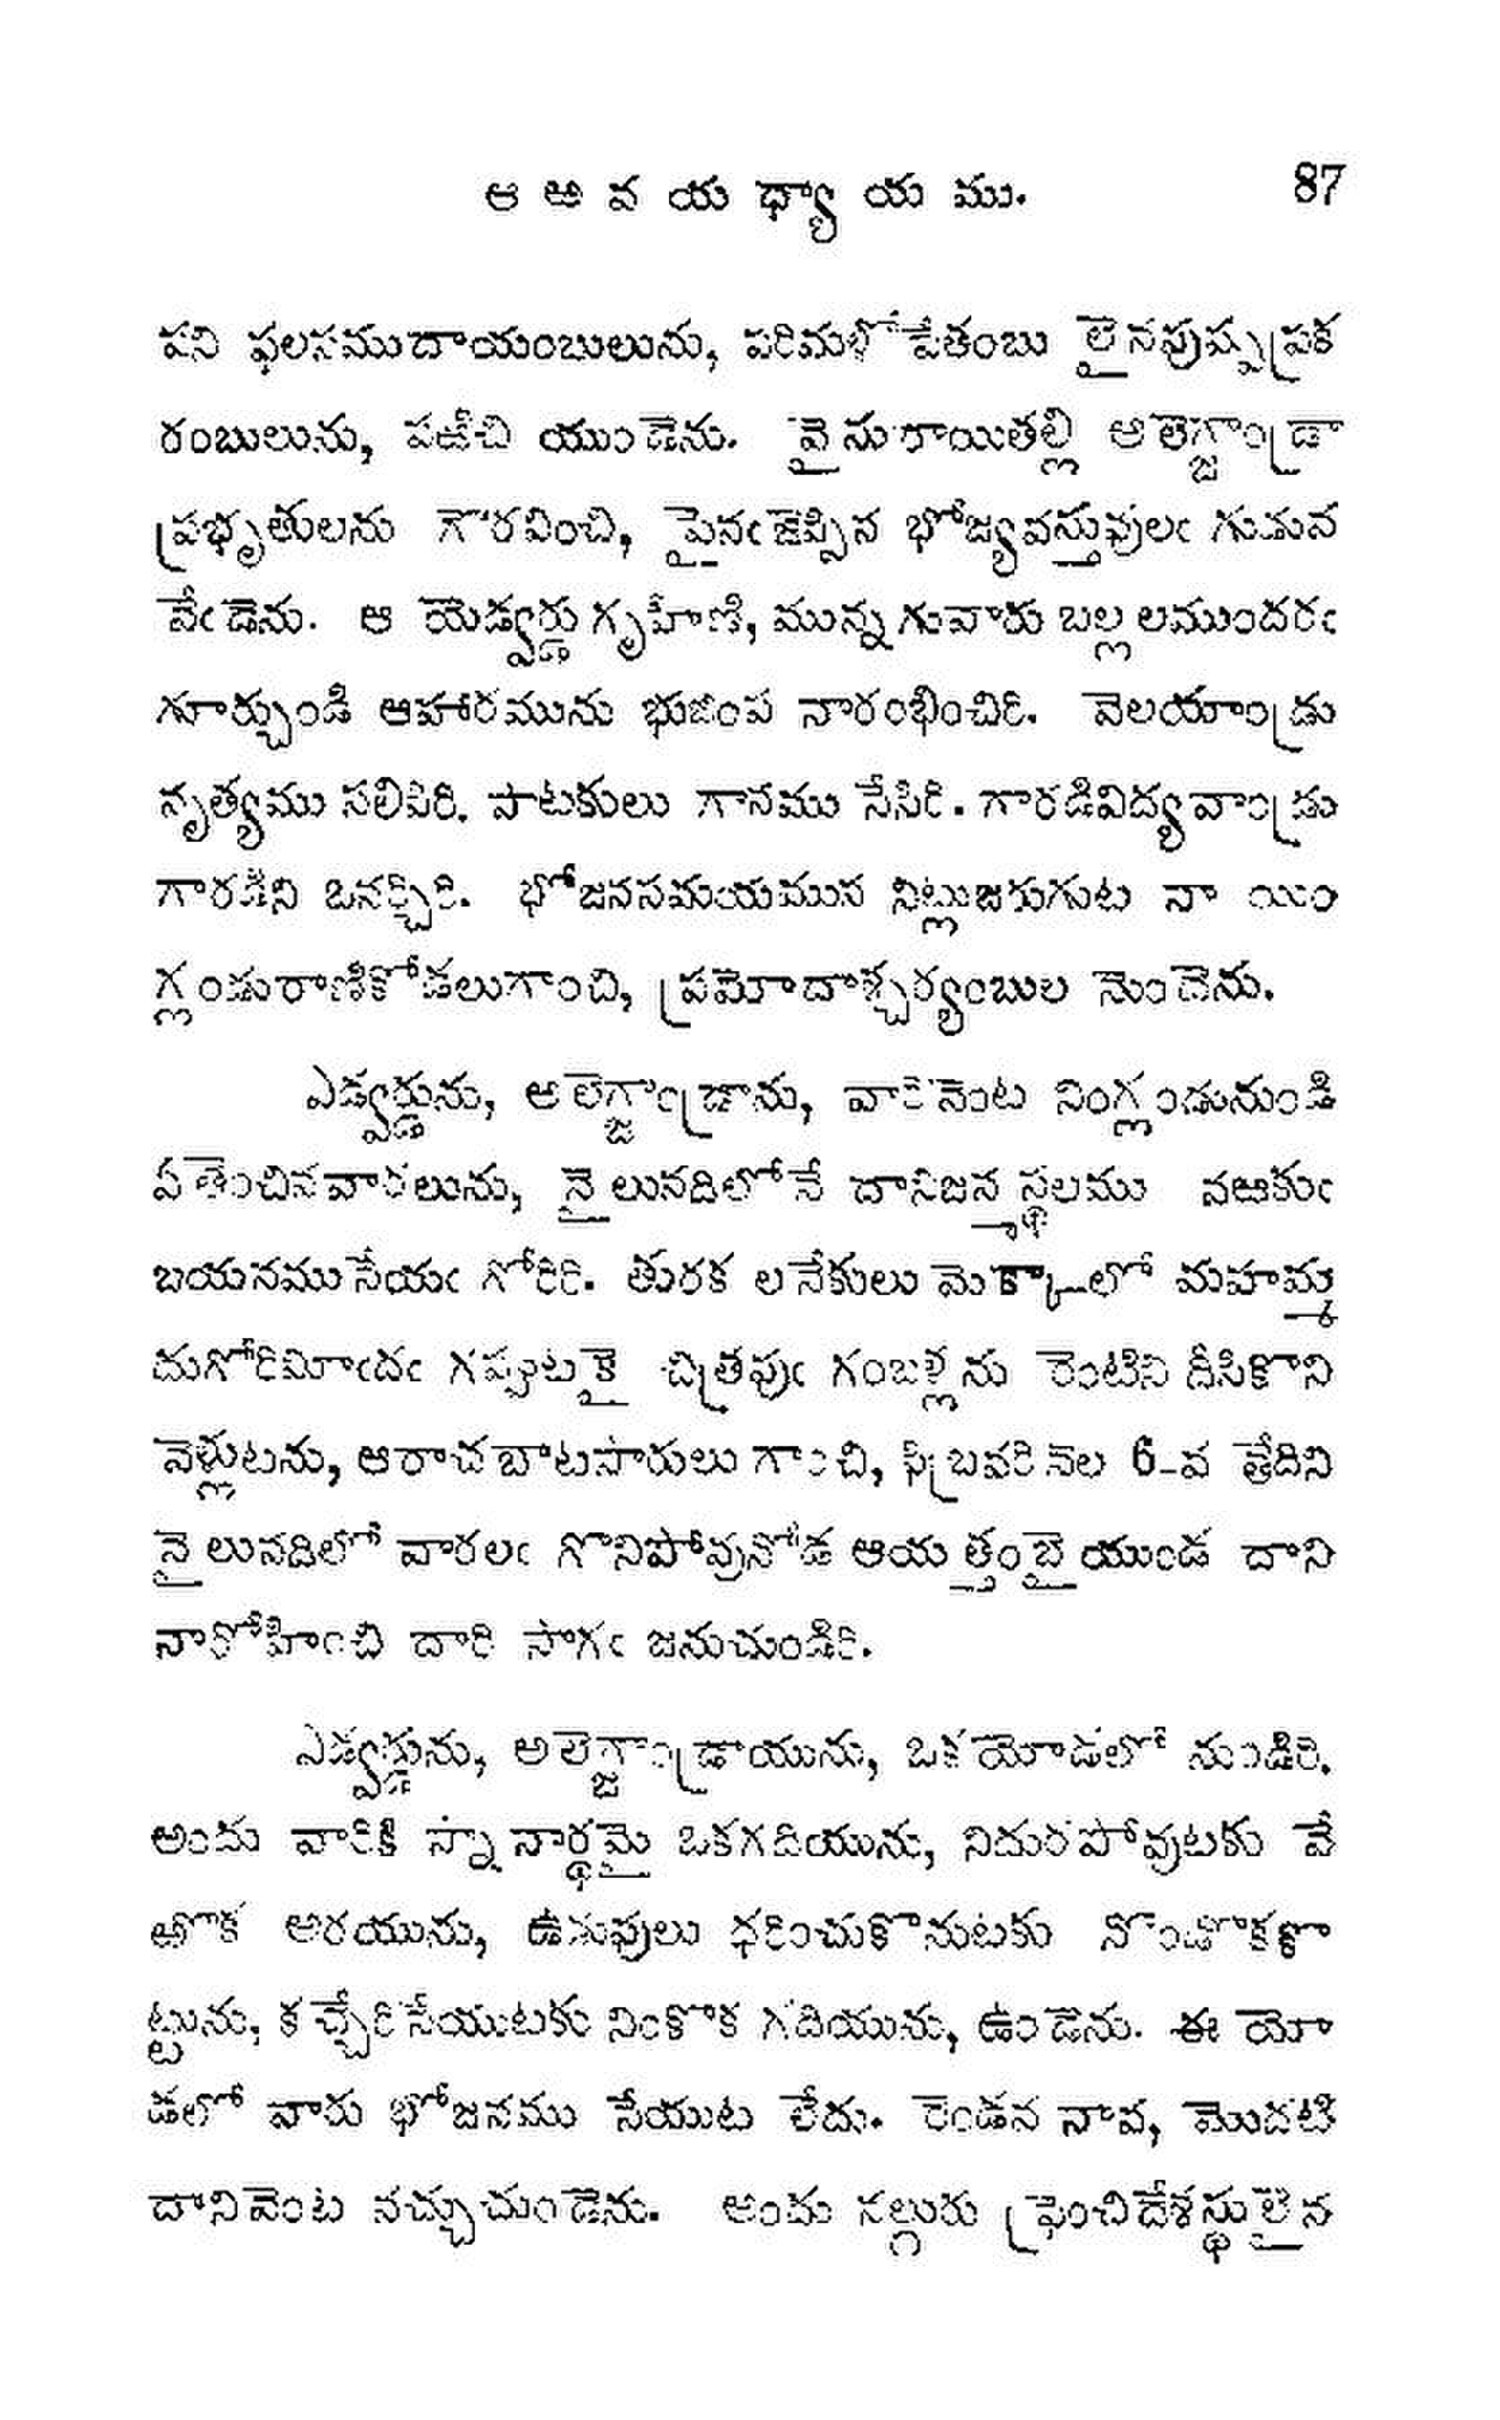పని ఫలసముదాయంబులును, పరిమళో పేతంబు లైన పుష్పప్రకరంబులును, పఱిచి యుండెను. వైసురాయితల్లి ఆలెగ్జాండ్రా ప్రభృతులను గౌరవించి, పైనఁ జెప్పిన భోజ్య వస్తువుల గుడువ
వేడెను. ఆ యేడ్వర్డు గృహిణి, మున్నగువారు బల్లల ముందర గూర్చుండి ఆహారమును భుజింప నారంభించిరి. వెలయాండ్రు నృత్యము సలిపిరి, పాటకులు గానము సేసిరి . గారడి విద్య వాడ్రు
గారడిని ఒనర్చిరి. భోజన సమయమున నిట్లు జరుగుట నా యింగ్లండు రాణీ కోడలుగాంచి, ప్రమోదాశ్చర్యంబుల నందెను.

ఎడ్వర్డును, ఆ లెగ్జాండ్రాను, వారి నెంట నింగ్లండునుండి ఏతెంచిన వారలును, నైలునదిలోనే దానిజన్మ స్థలము వరకుఁ బయనము సేయఁ గోరిరి. తురక లనేకులు మెక్కాలో మహమ్మ
దుగోరి మీఁదఁ గప్పుటకై చిత్రపుఁ గంబళ్లను రెంటిని దీసికొని నెళ్లుటను, ఆరాచబాటసారులు గాంచి, ఫిబ్రవరి నెల 6 వ తేదిని నైలు నదిలో వారలఁ గొనిపోవు నోడ ఆయతంబై యుండ దాని
నారోహించి దారి సాగ జనుచుండిరి.

ఎడ్వర్డును, అలెగ్జాండ్రాయును, ఒక యోడ లో నుండి, అందు వారికి స్నానార్ధమై ఒక గదియును, నిదుర పోవుటకు వేరొక అరయును, ఉడుపులు ధరించుకొనుటకు కొండొక కొట్టును, కచ్చేరి సేయుటకు నింకొక గదియును ఉండెను. ఈ యోడలో నారు భోజనము సేయుట లేదు. రెండన నావ, మొదటి దానివెంట వచ్చుచుండెను. అందు నల్గు ఫ్రెంచి దేశస్థులైన